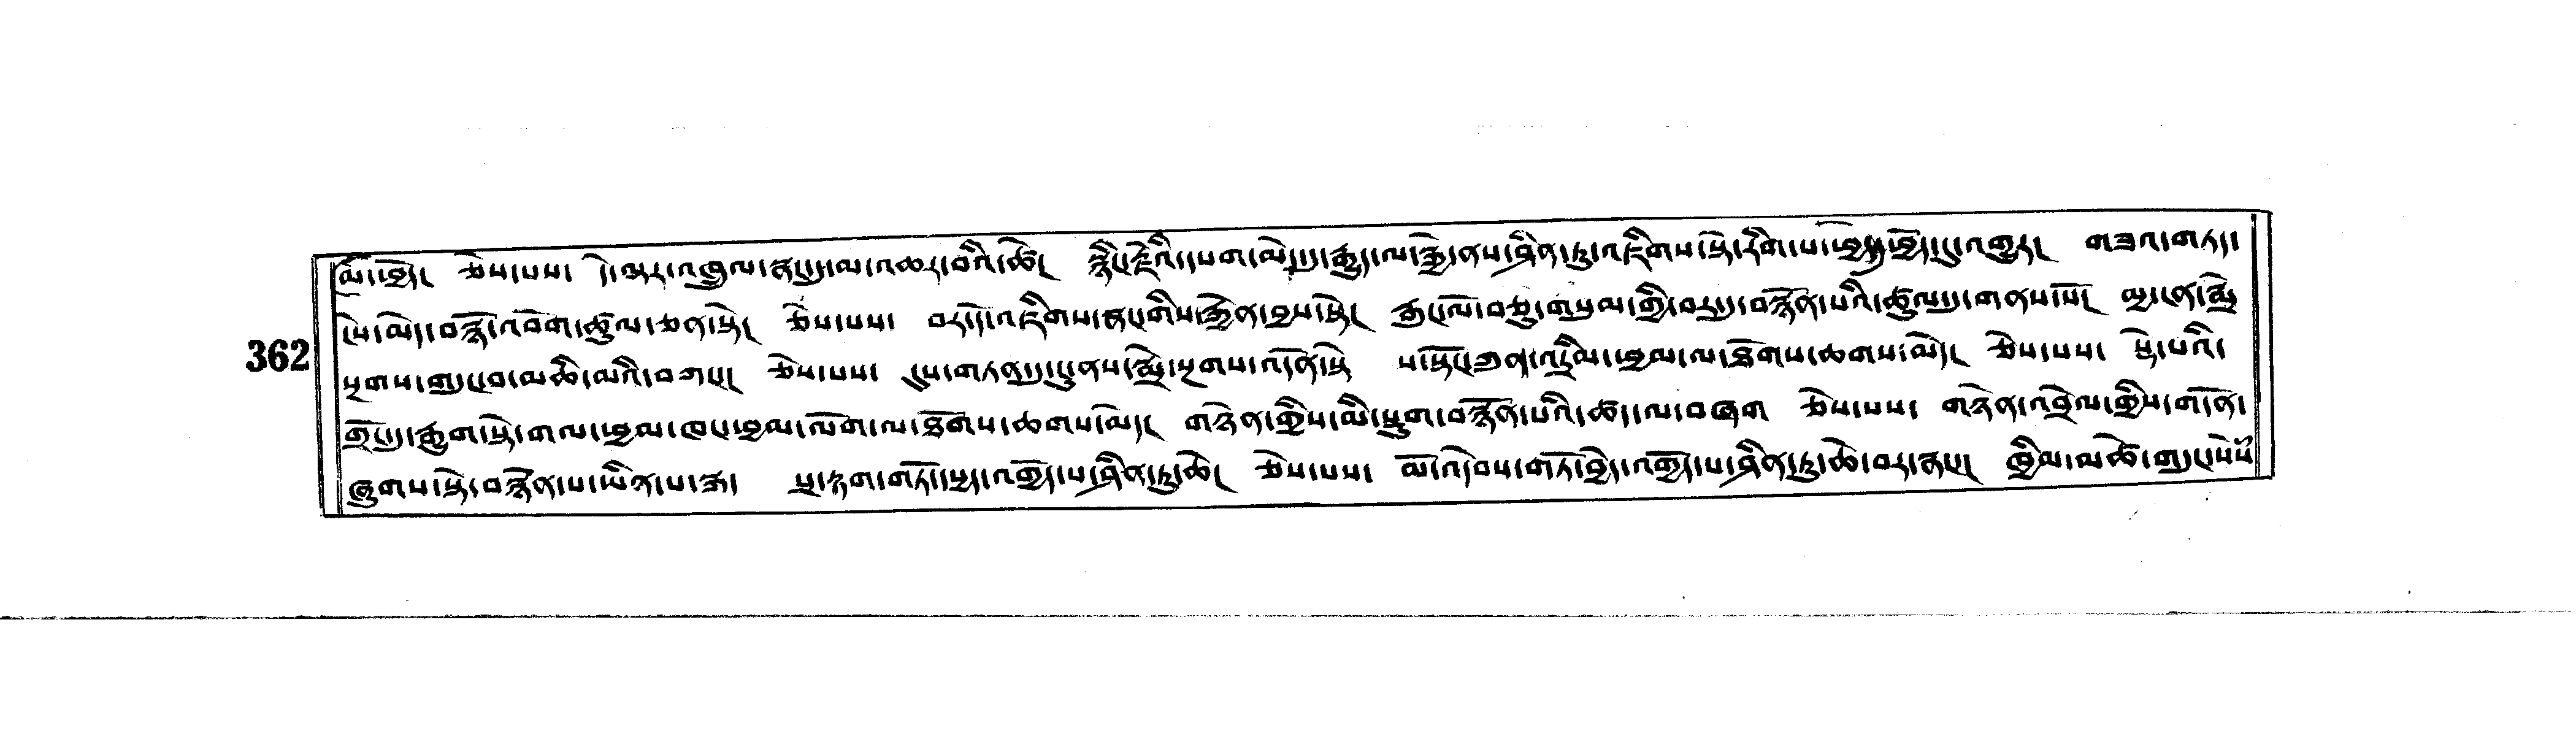མ་ཕྱོད། ཅེས་པས། དེ་ལྟར་འཁྲུལ་སྣང་དུ་མ་འཆར་བའི་ཚེ། སྙིང་རྗེ་དཔག་མེད་དུ་རྒྱུད་ལ་སྐྱེ་ནས་ཤིན་ཏུ་འཇིགས་ཏེ་རིག་པ་ཕྱེད་ཕྱོད་དུ་གྱུར། གཟའ་གཏད་
ངེས་མེད་སྙོ་འབོགས་ཚུལ་ཅན་ཏེ། ཅེས་པས། བར་དོ་འཇིགས་སྣང་གིས་རྐྱེན་བྱས་ཏེ། རྒུང་ལོ་བཅུ་གསུམ་གྱི་བར་དུ་སྙོན་པའི་ཚུལ་དུ་གནས་སོ། མྱ་ངན་སྨྲེ་
ངག་གདུང་བ་མཆི་མས་བཀང་། ཅེས་པས། དུས་གཏན་དུ་ངུ་ནས་སྨྲེ་ངག་འདོན་ཏེ། ས་སྟོང་ཀུན་འདྲིམས་ཕྱམ་ལ་ཐོགས་ཆགས་མེད། ཅེས་པས། སྡེ་པའི་
གྲོང་དུ་རྒྱུག་སྟེ་གལ་ཁྱམ་ཁང་ཁྱམ་ལོག་ལ་ཐོགས་ཆགས་མེད། གཉེན་གྱིས་མི་སྡུག་སྙོན་པའི་ཚད་ལ་བཞག གཉེན་འབྲེལ་གྱིས་གདོན་
ཞུགས་ཏེ་སྙོན་པ་ཡིན་པ་སྐད། པྲ་བརྟག་གཏོ་དཔྱད་འགྱོད་པ་ཤིན་ཏུ་ཆེ། ཅེས་པས། མོ་འདེབས་གཏོ་དཔྱད་འགྱོད་པ་ཤིན་ཏུ་ཆེ་བར་སྣང་། ཁྱིམ་འཚེ་གདུང་སེམས་